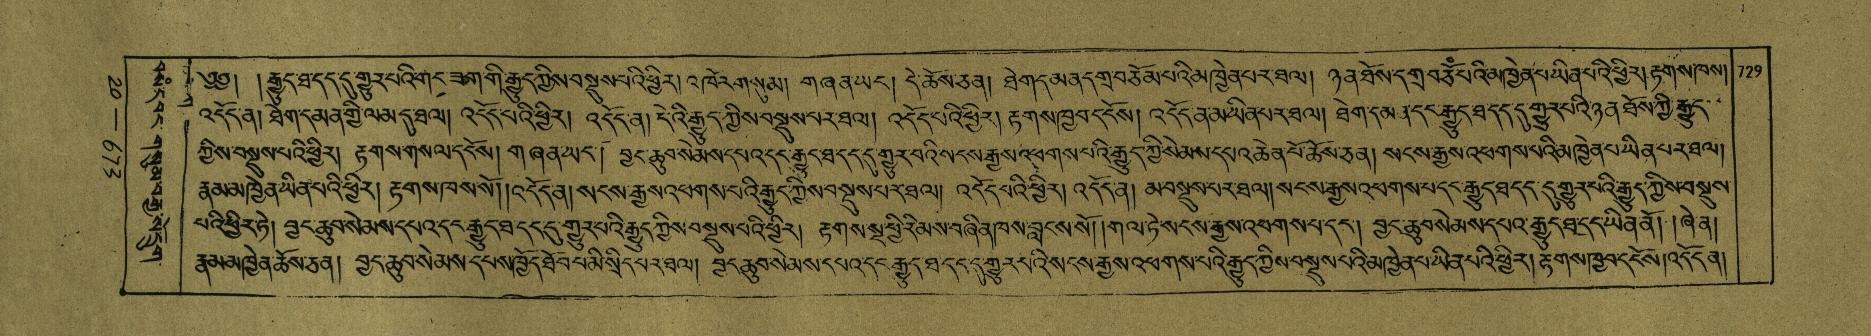༄༅། །རྒྱུད་ཐ་དད་དུ་གྱུར་པའི་གང་ཟག་གི་རྒྱུད་ཀྱིས་བསྡུས་པའི་ཕྱིར་འཁོར་གསུམ། གཞན་ཡང་། དེ་ཆོས་ཅན། ཐེག་དམན་དགྲ་བཅོམ་པའི་མཁྱེན་པར་ཐལ། ཉན་ཐོས་དགྲ་བཅོམ་པའི་མཁྱེན་པ་ཡིན་པའི་ཕྱིར། རྟགས་ཁས།
འདོད་ན། ཐེག་དམན་གྱི་ལམ་དུ་ཐལ། འདོད་པའི་ཕྱིར། འདོད་ན། དེའི་རྒྱུད་ཀྱིས་བསྡུས་པར་ཐལ། འདོད་པའི་ཕྱིར། རྟགས་ཁྱབ་དངོས། འདོད་ན་མ་ཡིན་པར་ཐལ། ཐེག་དམན་དང་རྒྱུད་ཐ་དད་དུ་གྱུར་པའི་ཉན་ཐོས་ཀྱི་རྒྱུད་
ཀྱིས་བསྡུས་པའི་ཕྱིར། རྟགས་གསལ་དངོས། གཞན་ཡང་། བྱང་ཆུབ་སེམས་དཔའ་དང་རྒྱུད་ཐ་དད་དུ་གྱུར་བའི་སངས་རྒྱས་འཕགས་པའི་རྒྱུད་ཀྱི་སེམས་དཔའ་ཆེན་པོ་ཆོས་ཅན། སངས་རྒྱས་འཕགས་པའི་མཁྱེན་པ་ཡིན་པར་ཐལ།
རྣམ་མཁྱེན་ཡིན་པའི་ཕྱིར། རྟགས་ཁས་སོ། །འདོད་ན། སངས་རྒྱས་འཕགས་པའི་རྒྱུད་ཀྱིས་བསྡུས་པར་ཐལ། འདོད་པའི་ཕྱིར། འདོད་ན། མ་བསྡུས་པར་ཐལ། སངས་རྒྱས་འཕགས་པ་དང་རྒྱུད་ཐ་དད་དུ་གྱུར་པའི་རྒྱུད་ཀྱིས་བསྡུས་
པའི་ཕྱིར་ཏེ། བྱང་ཆུབ་སེམས་དཔའ་དང་རྒྱུད་ཐ་དད་དུ་རྒྱུར་བའི་རྒྱུད་ཀྱིས་བསྡུས་པའི་ཕྱིར་།རྟགས་སྔ་ཕྱི་རིམས་བཞིན་ཁས་བླངས་སོ། །གལ་ཏེ་སངས་རྒྱས་འཕགས་པ་དང་། བྱང་ཆུབ་སེམས་དཔའ་རྒྱུད་ཐ་དད་ཡིན་ནོ། །ཞེ་ན།
རྣམ་མཁྱེན་ཆོས་ཅན། བྱང་ཆུབ་སེམས་དཔས་ཁྱོད་ཐོབ་པ་མི་སྲིད་པར་ཐལ། བྱང་ཆུབ་སེམས་དཔའ་དང་རྒྱུད་ཐ་དད་དུ་གྱུར་པའི་སངས་རྒྱས་འཕགས་པའི་རྒྱུད་ཀྱིས་བསྡུས་པའི་མཁྱེན་པ་ཡིན་པའི་ཕྱིར། རྟགས་ཁྱབ་དངོས། འདོད་ན།